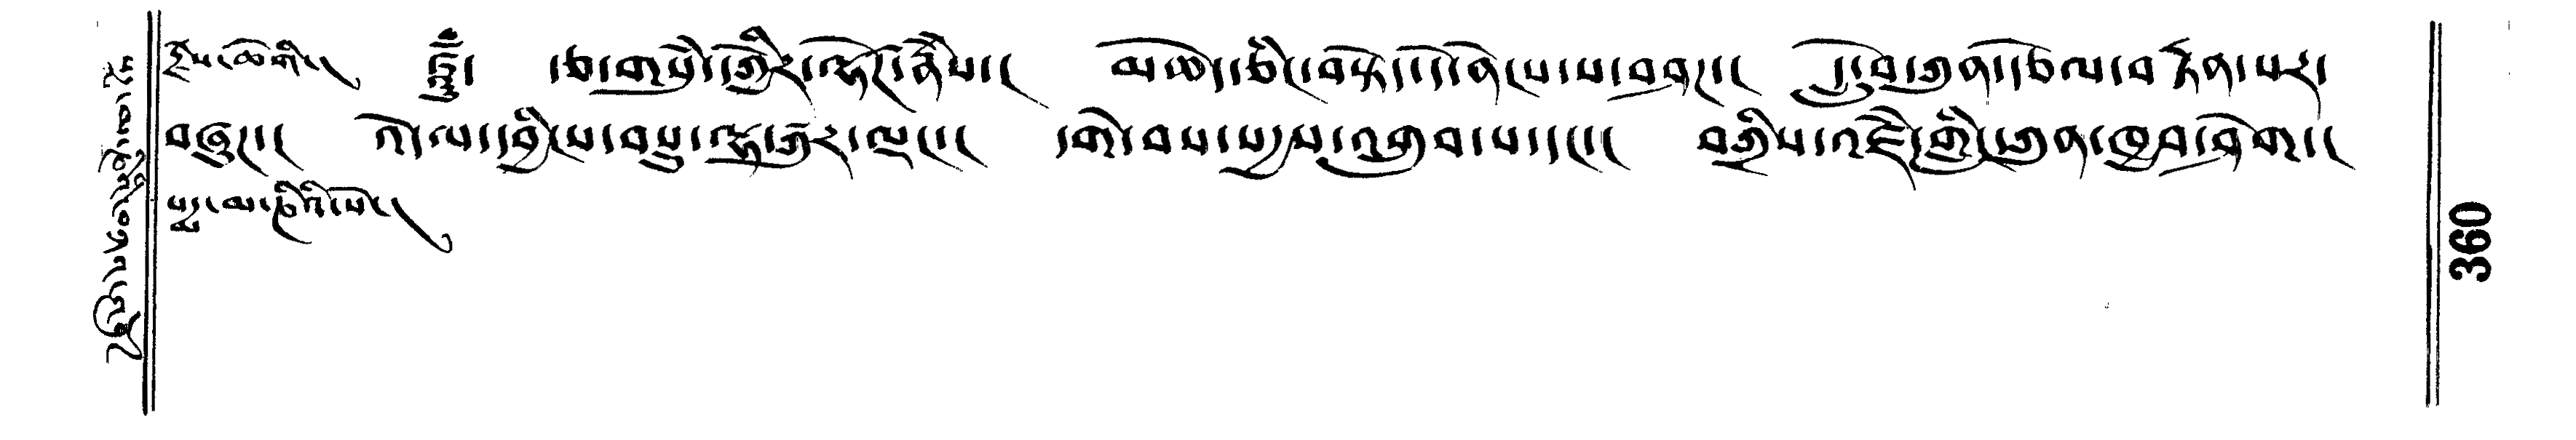རྗེས་ཆོག་ན།ི ཧཱུྃ། རྩ་གསུམ་དཀྱིལ་འཁོར་ལྷ་ཚོགས་རྣམས། །མཆོད་ཅིང་བསྟོད་དེ་ནོངས་པ་བཤགས། །དངོས་གྲུབ་ཀུན་སྩོལ་བརྟན་པར་
བཞུགས། །འོད་གསལ་དབྱིངས་བསྡུ་ལྷ་སྐུར་ལྡང་། །དགེ་བས་སངས་རྒྱས་འགྲུབ་པ་དང་། བཀྲ་ཤིགས་འཛམ་གླིང་ཀུན་ཁྱབ་ཤོག 
པདྨ་མ་ཎིས་སོ།། ༄༅།